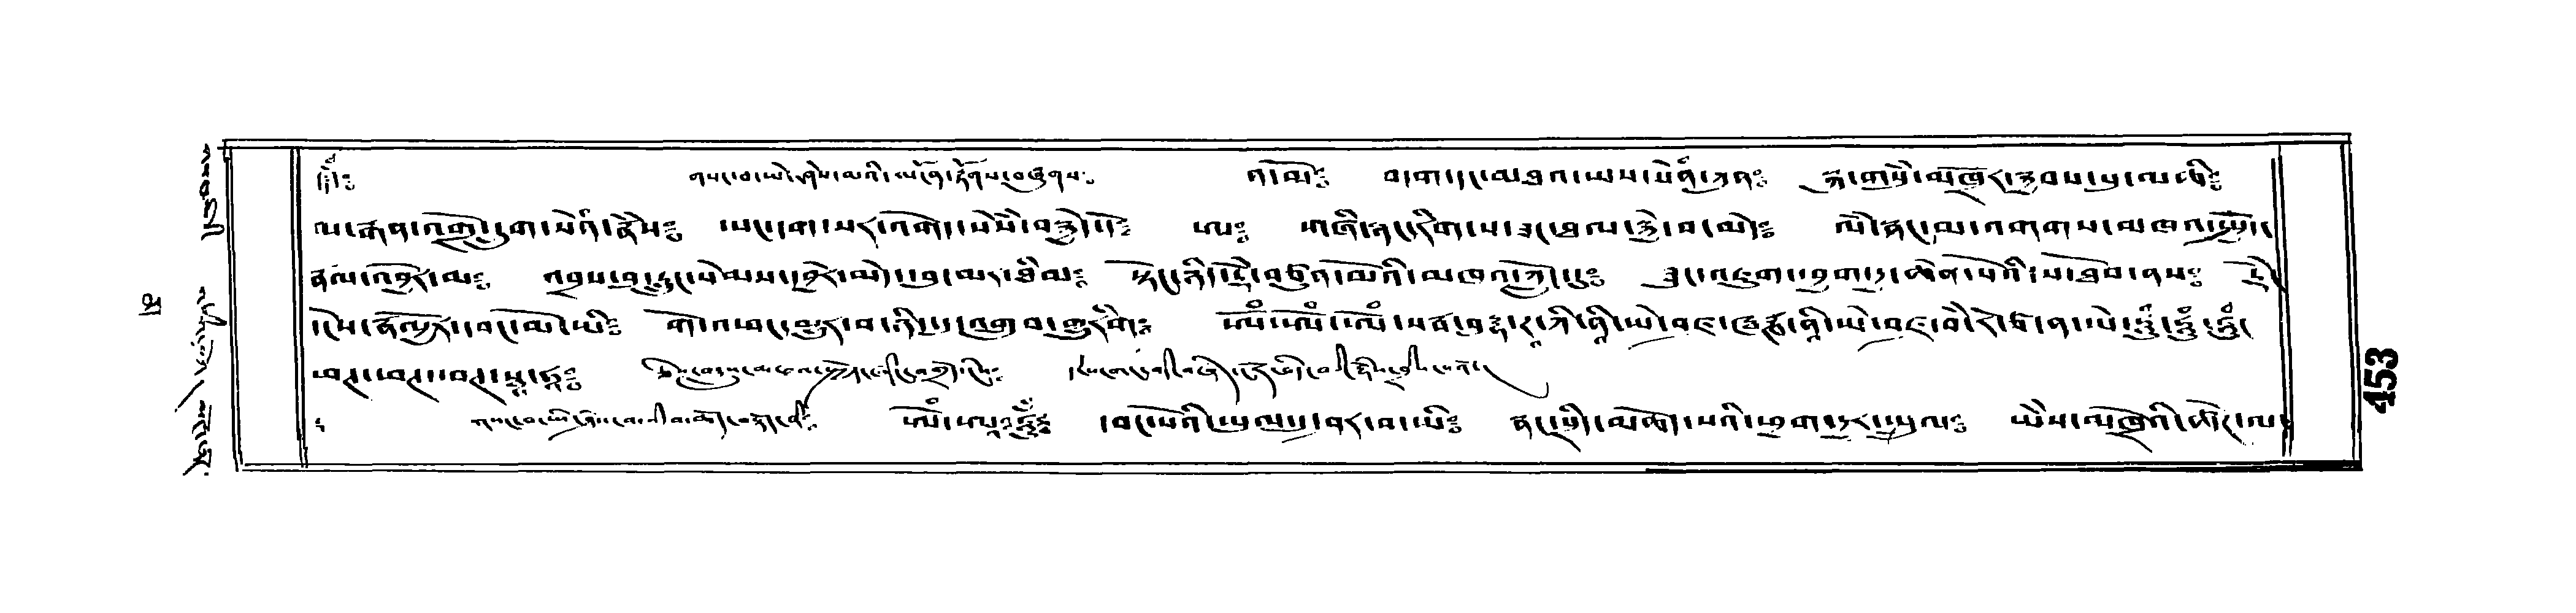གསང་བ་ཡེ་ཤེས་མའི་མངོན་རྟོགས་བཞུགས༔ ན་མོ༔ བདག་དང་མཐའ་ཡས་སེམས་ཅན་ཀུན༔ སྐུ་གསུམ་མཁའ་འགྲོར་སྐྱབས་སུ་མཆི༔ 
མ་རྒན་འགྲོ་དྲུག་སེམས་ཅན་རྣམས༔ ཡང་དག་སར་འགོད་སེམས་བསྐྱེད་དོ༔ ཨཱཿ གཞི་སྣང་རིག་པ་ཟང་ཐལ་སྐྱེ་བ་མེད༔ ལམ་སྣང་མ་འགགས་མཁའ་སྤྱོད་
རྣལ་འབྱོར་མ༔ འབྲས་བུ་རླུང་སེམས་དབྱེར་མེད་དབུ་མར་ཐིམ༔ སྟོང་ཉིད་རྡོ་རྗེ་བཙུན་མོའི་མཁའ་ཀློང་དུ༔ ཟུང་འཇུག་ཕྱག་རྒྱ་ཆེན་པོའི་ས་ཐོབ་ནས༔ རྡོ་རྗེ་འཆང་
དངོས་རྣལ་འབྱོར་དབང་མོ་ཡི༔ གོ་འཕང་མྱུར་བ་ཉིད་དུ་འགྲུབ་གྱུར་ཅིག༔ ཨོཾ་ཨོཾ་ཨོཾ་སརྦ་བུདྡྷ་ཌཱ་ཀི་ནཱི་ཡེ་བཛྲ་ཝརྞ་ནཱི་ཡེ་བཛྲ་བཻ་རོ་ཙ་ན་ཡེ་ཧཱུྃ་ཧཱུྃ་ཧཱུྃ་
ཕཊ་ཕཊ་ཕཊ་སྭཱ་ཧཱཿ ཅེས་བཟླས་མཁའ་སྤྱོད་ཞིང་བགྲོད་ངེས༔ དམ་པ་གང་གི་བཞེད་ངོར་བདེ་བའི་རྡོ་རྗེ་བྲིས་པའོ།། 
གསང་བ་ཡེ་ཤེས་མའི་མཆོད་བསྟོད་ནི༔ ཨོཾ་ཨཱཿཧཱུྃ༔ དབང་པོའི་ཡུལ་དུ་ཤར་བ་ཡི༔ སྣང་སྲིད་མཆོད་པའི་ཕྱག་རྒྱར་སྤྲུལ༔ ཡེ་ཤེས་མཁའ་འགྲོའི་ཚོགས་ལ་